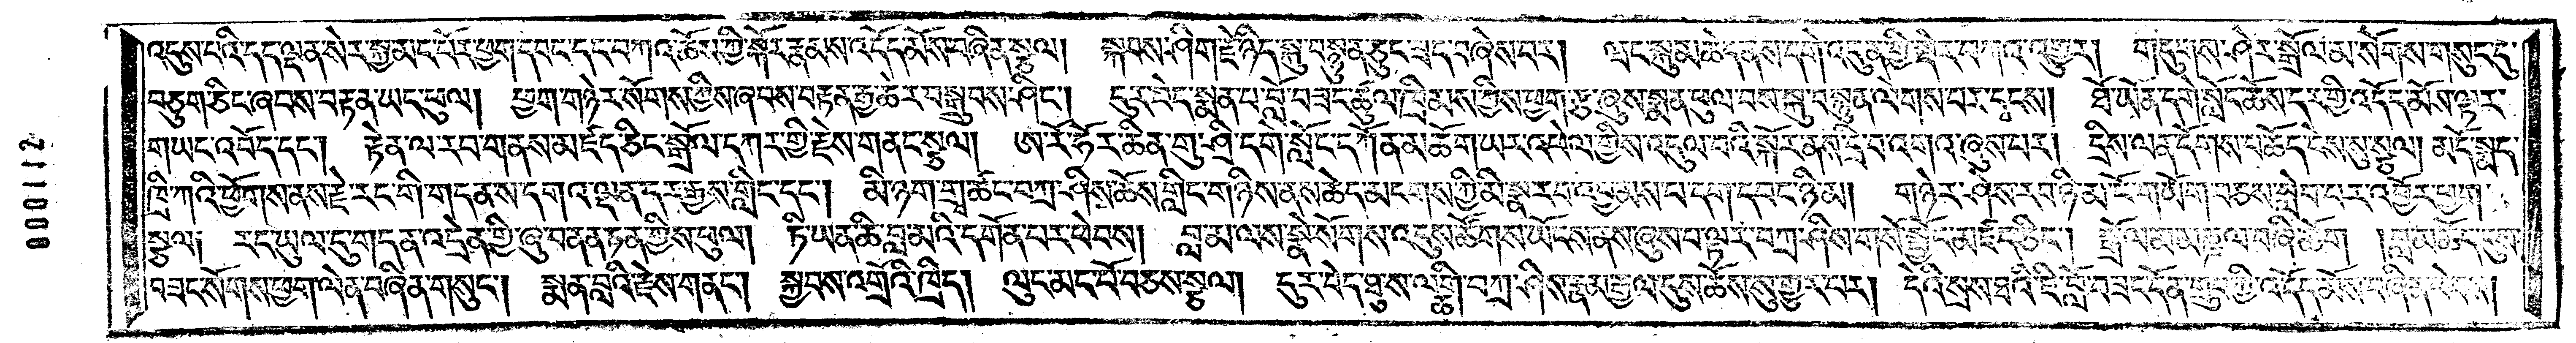འདུས་པའི་དང་ལྡན་སེར་སྐྱ་མང་པོར་ཕྱག་དབང་དང་བཀའ་ཆོས་ཀྱི་སྐོར་རྣམས་འདོད་མོས་བཞིན་སྩལ། སྐབས་ཤིག་རྗེ་ཉིད་སྐུ་བསྙུན་ཅུང་ཟད་བཞེས་པར། ཝང་སྐུ་མཆེད་ནས་དགེ་འདུན་གྱི་སྡེར་བཀའ་འགྱུར། གདུགས་ཤེར་སྒྲོ་ལམ་སོགས་གསུང་དུ་
བཅུག་ཅིང་ཞབས་བརྟན་ཡང་ཕུལ། ཕྱག་གཉེར་སོགས་ཀྱིས་ཞབས་བརྟན་རྒྱ་ཆེར་བསྒྲུབས་ཤིང་། ངུར་བེད་སྨན་པ་བློ་བཟང་ཚུལ་ཁྲིམས་ཀྱིས་ཕྱག་རྩ་ཞུས་སྨན་ཕུལ་བས་སྐུ་བསྙུན་ལེགས་པར་དྭངས། ཐོ་ཡོན་དགེ་སློང་ཆོས་དར་གྱི་འདོད་མོས་ལྟར་
གཡང་འབོད་དང་། རྟེན་ལ་རབ་གནས་མཛད་ཅིང་སྒྲོལ་དཀར་གྱི་རྗེས་གནང་སྩལ། ཨ་རོ་ཧོར་ཆིན་གུ་ཤྲི་དགེ་སློང་དཀོན་མཆོག་ཡར་འཕེལ་གྱིས་འདུལ་བའི་སྐོར་ནས་དྲི་བ་འགའ་ཞུས་པར། དྲིས་ལན་དོགས་པ་ཆོས་ངེས་སུ་སྩལ། མདོ་སྨད་
ཁྲི་ཀའི་ཕྱོགས་ནས་རྗེ་རང་གི་གདན་ས་དགའ་ལྡན་དར་རྒྱས་གླིང་དང་། མི་ཉག་གྲྭ་ཚང་བཀྲ་ཤིས་ཆོས་གླིང་གཉིས་ནས་ཆེད་མངགས་ཀྱི་མི་སྣ་རབ་འབྱམས་པ་དག་དབང་ཉི་མ། གཉེར་ཤེས་རབ་ཉི་མ་ངོ་གཡོག་བཅས་སླེབ་པར་འབྱོར་ཕྱག་
སྩལ༑ རང་ཡུལ་དུ་གདན་འདྲེན་གྱི་ཞུ་བྣན་ཏན་གྱིས་ཕུལ། ཏི་ཡན་ཆི་བླ་མའི་དགོན་པར་ཕེབས། བླ་མ་ལས་སྣེ་སོགས་འདུས་ཚོགས་ཡོངས་ནས་ཞུས་པ་ལྟར་བཀྲ་ཤིས་གསོ་སྦྱོང་མཛད་ཅིང་། སྒྲོལ་མ་མཎྜལ་བཞི་ཆོག །བླ་མཆོད་དུས་
བཟང་སོགས་ཕྱག་ལེན་བཞིན་གསུང་། སྨན་བླའི་རྗེས་གནང་། སྐྱབས་འགྲོའི་ཁྲིད། ལུང་མང་པོ་བཅས་སྩལ། དུར་བེད་ཐུ་ས་ལེགྖི་བཀྲ་ཤིས་རྣམ་རྒྱལ་དུས་ཆོས་སུ་གྱུར་པར། དེའི་སྲས་ཐའི་ཇེ་བློ་བཟང་དོན་གྲུབ་ཀྱི་འདོད་མོས་བཞིན་ཕེབས།